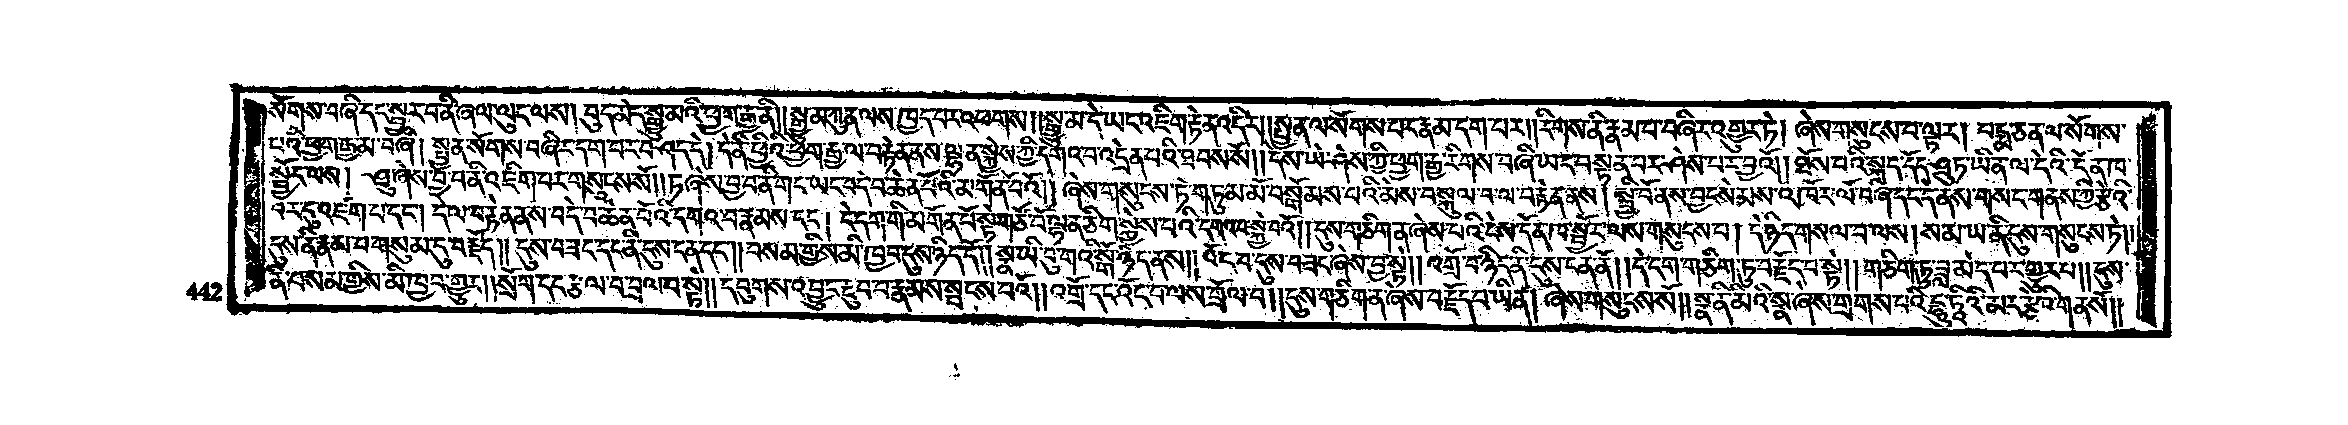སོགས་བཞི་དང་སྦྱར་བ་ནི་ཞལ་ལུང་ལས། བུད་མེད་སྒྱུ་མའི་ཕྱག་རྒྱ་ནི། །སྒྱུ་མ་ཀུན་ལས་ཁྱད་པར་འཕགས། །སྒྱུ་མ་དེ་ཡང་འཇིག་རྟེན་འདིར། །སྤྱན་ལ་སོགས་པར་རྣམ་དག་པར། །རིགས་ནི་རྣམ་པ་བཞིར་འགྱུར་ཏེ། ཞེས་གསུངས་པ་ལྟར། པདམ་ཅན་ལ་སོགས་
པའི་ཕྱག་རྒྱ་མ་བཞི། སྤྱན་སོགས་བཞིར་དག་པར་བཤད་དེ། དེ་ནི་ཕྱིའི་ཕྱག་རྒྱ་ལ་བརྟེན་ནས་ལྷན་སྐྱེས་ཀྱི་དགའ་བ་འདྲེན་པའི་ཐབས་སོ། །དེས་ཡེ་ཤེས་ཀྱི་ཕྱག་རྒྱ་རིགས་བཞི་ཡང་བསྟན་པར་ཤེས་པར་བྱའོ། །ཐོས་པའི་སྐད་དོད་ཤྲུ་ཏ་ཡིན་ལ་དེའི་དོན་ཁ་
སྦྱོར་ལས། ཤྲུ་ཞེས་བྱ་བ་ནི་འཛག་པར་གསུངས་སོ། །ཏ་ཞེས་བྱ་བ་ནི་གང་ཡང་བདེ་བ་ཆེན་པོའི་མགོན་པོའོ། །ཞེས་གསུངས་ཏེ་གཏུམ་མོ་བསྒོམས་པའི་མེས་བསྐུལ་བ་ལ་བརྟེན་ནས། སྤྱི་བོ་ནས་བྱང་སེམས་འཁོར་ལོ་བཞི་དང་དེ་ནས་གསང་གནས་ཀྱི་རྩེའི་
བར་དུ་འཛག་པ་དང་། དེ་ལ་བརྟེན་ནས་བདེ་བ་ཆེན་པོའི་དགའ་བ་རྣམས་དང་། དེ་དག་གི་མགོན་པོ་སྟེ་གཙོ་བོ་ལྷན་ཅིག་སྐྱེས་པའི་དགའ་བ་སྐྱེ་བའོ། །དུས་གཅིག་ན་ཞེས་པའི་ངེས་དོན་ཁ་སྦྱོར་ལས་གསུངས་པ། དེ་ཉིད་གསལ་བ་ལས། ས་མ་ཡ་ནི་དུས་གསུངས་ཏེ།།
དུས་ནི་རྣམ་པ་གསུམ་དུ་བརྗོད། །དུས་བཟང་དང་ནི་དུས་ངན་དང་། །བསམ་གྱིས་མི་ཁྱབ་དུས་ཉིད་དོ། །སྣ་ཡི་བུ་གའི་སྒོ་ཉིད་ནས། །འོང་བ་དུས་བཟང་ཞེས་བྱ་སྟེ། །འགྲོ་བ་ཉིད་ནི་དུས་ངན་ནོ། །དེ་དག་གཅིག་ཏུ་བརྗོད་བ་སྟེ། །གཅིག་ཏུ་ཟླ་མེད་པར་གྱུར་བ། །དུས་
ནི་བསམ་གྱིས་མི་ཁྱབ་གྱུར། །སྲོག་དང་རྩལ་བ་བྲལ་བ་སྟེ། །དབུགས་འབྱུང་རྔུབ་པ་རྣམས་སྤངས་པའོ། །འགྲོ་དང་འོང་བ་ལས་གྲོལ་བ། །དུས་གཅིག་ན་ཞེས་བརྗོད་པ་ཡིན། ཞེས་གསུངས་སོ། །སྣ་ནི་མིའི་སྣ་ཞེས་གྲགས་པའི་དྷཱུ་ཏཱིའི་མང་རྩེའི་གནས་སོ། །